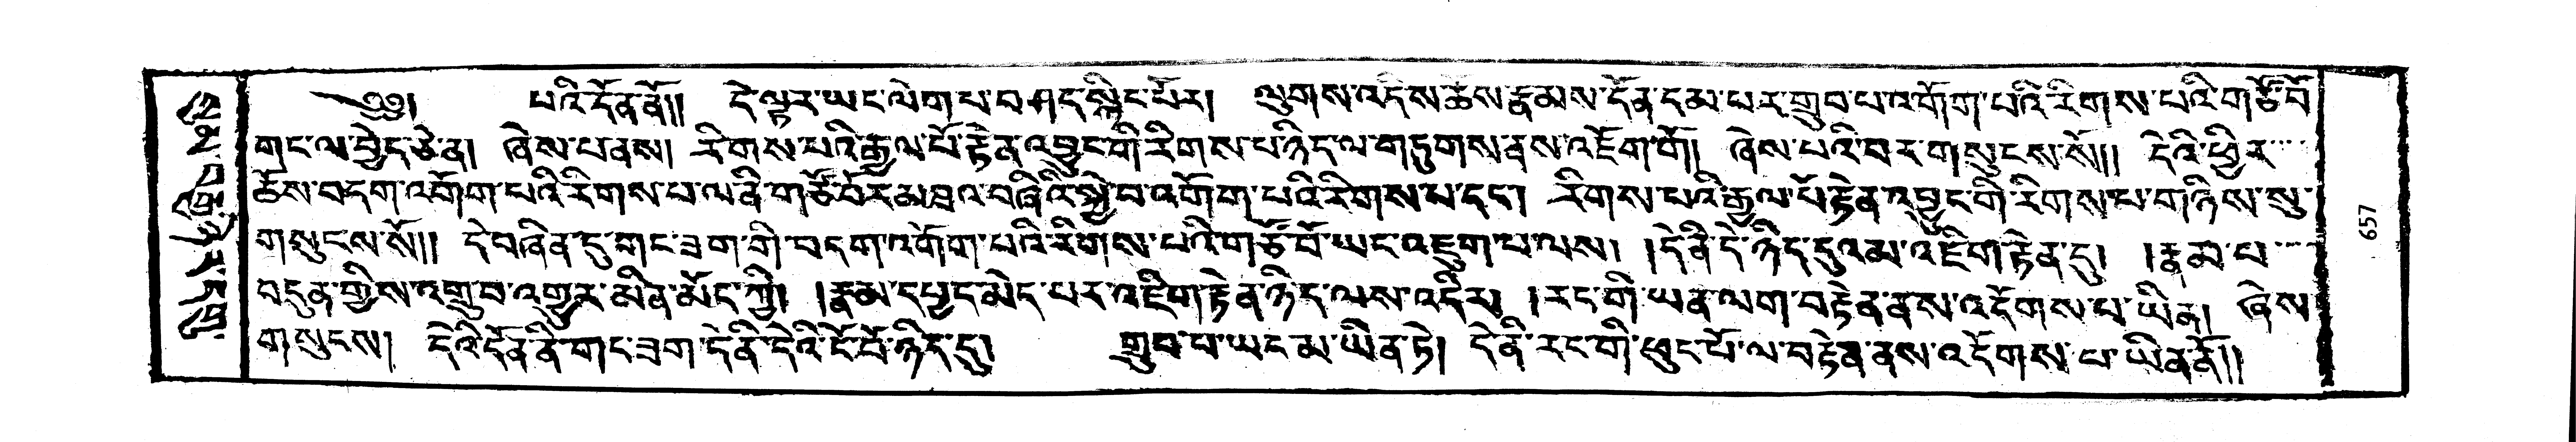༄༅། །པའི་དོན་ནོ། །དེ་ལྟར་ཡང་ལེགས་བཤད་སྙིང་པོར། ལུགས་འདིས་ཆོས་རྣམས་དོན་དམ་པར་གྲུབ་པ་འགོག་པའི་རིགས་པའི་གཙོ་བོ་
གང་ལ་བྱེད་ཅེ་ན། ཞེས་པ་ནས། རིགས་པའི་རྒྱལ་པོ་རྟེན་འབྱུང་གི་རིགས་པ་ཉིད་ལ་གཏུགས་ནས་འཇོག་གོ། ཞེས་པའི་བར་གསུངས་སོ། །དེའི་ཕྱིར་
ཆོས་བདག་འགོག་པའི་རིགས་པ་ལ་ནི་གཙོ་བོར་མཐའ་བཞིའི་སྐྱེ་བ་འགོག་པའི་རིགས་པ་དང་། རིགས་པའི་རྒྱལ་པོ་རྟེན་འབྱུང་གི་རིགས་པ་གཉིས་སུ་
གསུངས་སོ། །དེ་བཞིན་དུ་གང་ཟག་གི་བདག་འགོག་པའི་རིགས་པའི་གཙོ་བོ་ཡང་འཇུག་པ་ལས། །དེ་ནི་དེ་ཉིད་དུའམ་འཇིག་རྟེན་དུ། །རྣམ་པ་
བདུན་གྱིས་འགྲུབ་འགྱུར་མིན་མོད་ཀྱི། །རྣམ་དཔྱད་མེད་པར་འཇིག་རྟེན་ཉིད་ལས་འདིར། །རང་གི་ཡན་ལག་བརྟེན་ནས་འདོགས་པ་ཡིན། ཞེས་
གསུངས། དེའི་དོན་ནི་གང་ཟག་དེ་ནི་དེའི་ངོ་བོ་ཉིད་དུ། གྲུབ་པ་ཡང་མ་ཡིན་ཏེ། དེ་ནི་རང་གི་ཕུང་པོ་ལ་བརྟེན་ནས་འདོགས་པ་ཡིན་ནོ། །